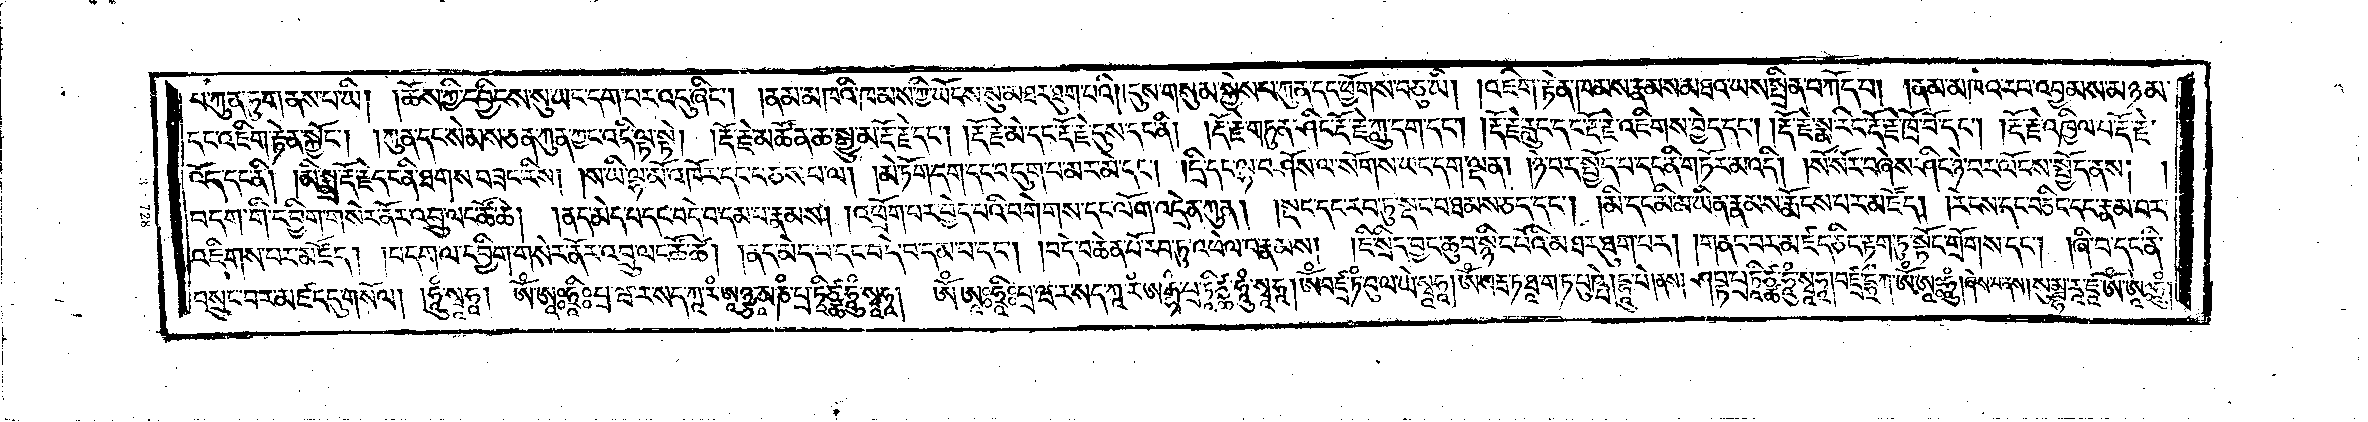པ་ཀུན་ཏུ་གནས་པ་ཡི། །ཆོས་ཀྱི་དབྱིངས་སུ་ཡང་དག་པར་འདུ་ཞིང་། །ནམ་མཁའི་ཁམས་ཀྱི་ཡོངས་སུ་མཐར་ཐུག་པའི། །དུས་གསུམ་སྐྱེས་པ་ཀུན་དང་ཕྱོགས་བཅུ་ཡི། །འཇིག་རྟེན་ཁམས་རྣམས་མཐའ་ཡས་སྤྲིན་བཀོད་པ། །ནམ་མཁའ་རབ་འབྱམས་མཉམ་
དང་འཇིག་རྟེན་སྐྱོང་། །ཀུན་དང་སེམས་ཅན་ཀུན་ཀྱང་འདི་ལྟ་སྟེ། །རྡོ་རྗེ་མཚོན་ཆ་སྒྱུ་མ་རྡོ་རྗེ་དང་། །རྡོ་རྗེ་མེ་དང་རྡོ་རྗེ་དུས་དང་ནི། །རྡོ་རྗེ་གཏུན་ཤིང་རྡོ་རྗེ་ཀླུ་དག་དང་། །རྡོ་རྗེ་རླུང་དང་རྡོ་རྗེ་འཇིགས་བྱེད་དང་། །རྡོ་རྗེ་སྣ་རིང་རྡོ་རྗེ་ཁྲོ་བོ་དང་། །རྡོ་རྗེ་འཁྱིལ་པ་རྡོ་རྗེ་
འོད་དང་ནི། །མི་སྨྲ་རྡོ་རྗེ་དང་ནི་ཐགས་བཟང་རིས། །ས་ཡི་ལྷ་མོ་འཁོར་དང་བཅས་པ་ལ། །མེ་ཏོག་དག་དང་བདུག་པ་མར་མེ་དང་། །དྲི་དང་ལྷ་བཤོས་ལ་སོགས་ཡང་དག་ལྡན། །ཉེ་བར་སྤྱོད་པ་དང་ནི་གཏོར་མ་འདི། །སོ་སོར་བཞེས་ཤིང་ཉེ་བར་ལོངས་སྤྱོད་ནས། །
བདག་གི་དབྱིག་གསེར་ནོར་འབྲུ་ལང་ཚོ་ཆེ། །ནད་མེད་པ་དང་བདེ་བ་དམ་པ་རྣམས། །འཕྲོག་པར་བྱེད་པའི་བགེགས་དང་ལོག་འདྲེན་ཀུན། །སྡང་དང་རབ་ཏུ་སྡང་པ་ཐམས་ཅད་དང་། །མི་དང་མི་མ་ཡིན་རྣམས་རྨོངས་པར་མཛོད། །རེངས་དང་བཅིང་དང་རྣམ་བར་
འཇིགས་པར་མཛོད། །བདག་ལ་དབྱིག་གསེར་ནོར་འབྲུ་ལང་ཚོ་ཆེ། །ནད་མེད་པ་དང་བདེ་བ་དམ་པ་དང་། །བདེ་བ་ཆེན་པོ་རབ་ཏུ་འཕེལ་བ་རྣམས། །ཇི་སྲིད་བྱང་ཆུབ་སྙིང་པོའི་མཐར་ཐུག་པར། །གནང་བར་མཛད་ཅིང་རྟག་ཏུ་སྟོང་གྲོགས་དང་། །ཞི་བ་དང་ནི་
བསྲུང་བར་མཛད་དུ་གསོལ། །ཧཱུཾ་སྭཱཧཱ། ཨོཾ་ཨཱཿཧྲཱིཿཔྲ་ཝ་ར་སད་ཀཱ་རཾ་ཨཱཉྩ་མ་ཎཾ་པྲ་ཏཱིཙྪ་ཧཱུཾ་སྭཱཧཱ། ཨོཾ་ཨཱཿཧྲཱིཿཔྲ་ཝ་ར་སད་ཀཱ་རཾ་ཨརྒྷི་པྲ་ཏཱིཙྪ་ཧཱུཾ་སྲ་ས་ཀཱ་རཾ་ཨཱ་ཉྩ་མ་ཎཾ་པྲ་ཏཱི་ཙྪ་ཧཱུཾ་སྭཱཧཱ། ཏ་པུཥྤེ། དྷཱུ་པེ། ནས། ཤཔྟ་པྲ་ཏཱིཙྪ་ཧཱུཾ་སྭཱཧཱ། བཛྲ་དྷྲིཀ་ཨོཾ་ཨཱཿཧཱུཾ། ཞེས་པ་ནས།  སུམྦྷ་རཱ་ཛཱ་ཨོཾ་ཨཱཿཧཱུཾ།